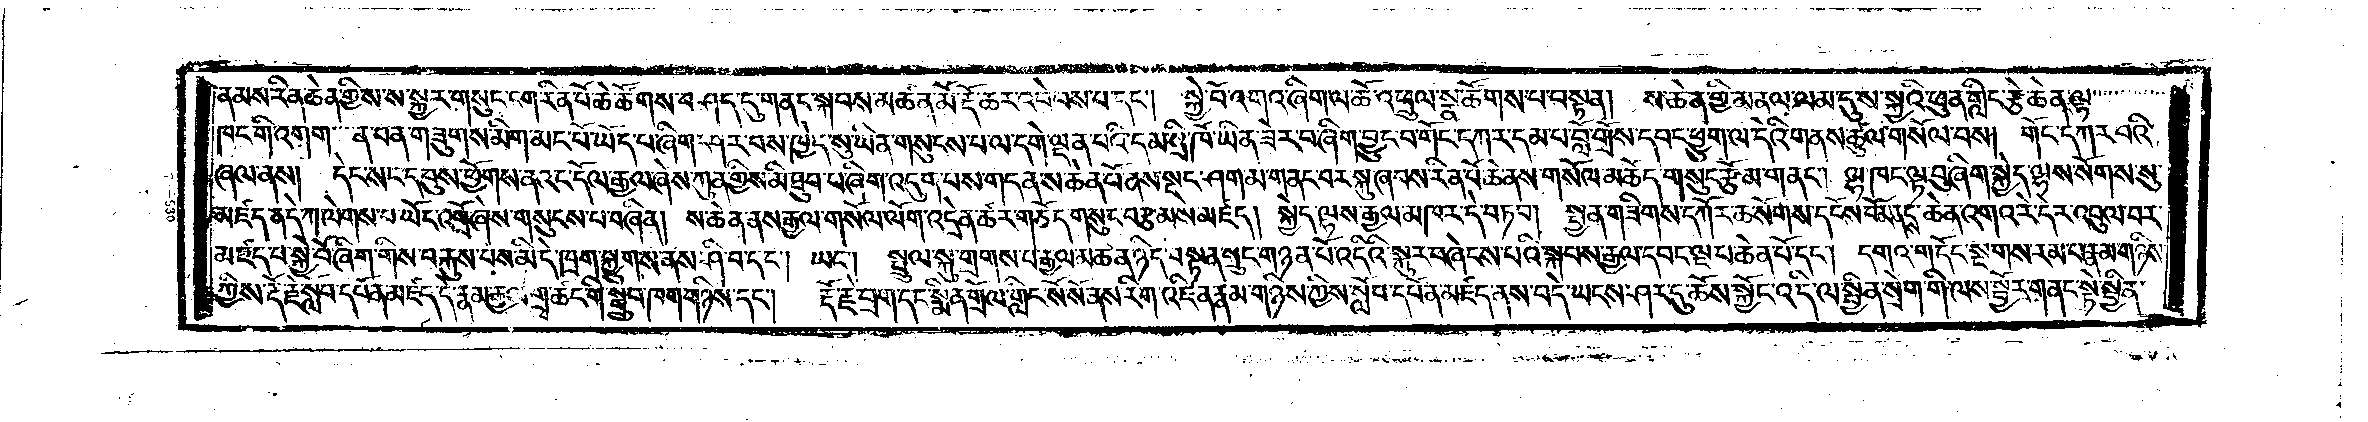ནམས་རིན་ཆེན་གྱིས་ས་སྐྱར་གསུང་ངག་རིན་པོ་ཆེ་ཚོགས་བཤད་དུ་གནང་སྐབས་མཚན་མོ་རྡོ་ཆར་འབེབས་པ་དང་། སྐྱེ་བོ་འགའ་ཞིག་ལ་ཆོ་འཕྲུལ་སྣ་ཚོགས་པ་བསྟན། ས་ཆེན་གྱི་མནལ་ལམ་དུ་ས་སྐྱའི་ཕུན་གླིང་རྩེ་ཆེན་ལྷ་
ཁང་གི་འགག་ན་བན་གཟུགས་མིག་མང་པོ་ཡོད་པ་ཞིག་ཤར་བས་ཁྱེད་སུ་ཡིན་གསུངས་པ་ལ་དགེ་ལྡན་པའི་དམ་སྲི་ཁོ་ཡིན་ཟེར་བ་ཞིག་བྱུང་བ་གོང་དཀར་དམ་པ་བློ་གྲོས་དབང་ཕྱུག་ལ་དེའི་གནས་ཚུལ་གསོལ་བས། གོང་དཀར་བའི་
ཞལ་ནས། དེང་སང་དབུས་ཕྱོགས་ནའང་དོལ་རྒྱལ་ཞེས་ཀུན་གྱིས་མི་ཐུབ་པ་ཞིག་འདུག་པས་གདན་ས་ཆེན་པོ་ནས་སྡང་ཤག་མ་གནང་བར་སྐུ་ཞབས་རིན་པོ་ཆེ་ནས་གསོལ་མཆོད་གསུང་རྩོམ་གནང་། ལྷ་ཁང་ལྟ་བུ་ཞིག་སྐྱེད་ལྷས་སོགས་སུ་
མཛད་ན་དེ་ཀ་ལེགས་པ་ཡོང་འགྲོ་ཞེས་གསུངས་པ་བཞིན། ས་ཆེན་ནས་རྒྱལ་གསོལ་ལོག་འདྲེན་ཚར་གཅོད་གསུང་བརྩམས་མཛད། སྐྱེད་ལྷས་རྒྱལ་མཁར་དེ་བཏབ། སྤྱན་གཟིགས་དཀོར་ཆ་སོགས་དངོས་པོ་མནངས་ཆེན་འགའ་རེ་དེར་འབུལ་བར་
མཛད་པ་སྐྱེ་བོ་ཞིག་གིས་བརྐུས་པས་མི་དེ་ཁྲག་སྐྱུགས་ནས་ཤི་བ་དང་། ཡང་། སྤྲུལ་སྐུ་གྲགས་པ་རྒྱལ་མཚན་ཉིད་བསྟན་སྲུང་གཉན་པོ་འདིའི་སྐུར་བཞེངས་པའི་སྐབས་རྒྱལ་དབང་ལྔ་པ་ཆེན་པོ་དང་། དགའ་གདོང་སྔགས་རམ་པ་རྣམ་གཉིས་
ཀྱིས་རྡོ་རྗེ་སློབ་དཔོན་མཛད་དེ་རྣམ་རྒྱལ་གྲྭ་ཚང་གི་སྒྲུབ་ཁག་གཉིས་དང་། རྡོ་རྗེ་བྲག་དང་སྨིན་གྲོལ་གླིང་སོ་སོ་ནས་རིག་འཛིན་རྣམ་གཉིས་ཀྱིས་སློབ་དཔོན་མཛད་ནས་བདེ་ཡངས་ཤར་དུ་ཆོས་སྐྱོང་འདི་ལ་སྦྱིན་སྲེག་གི་ལས་སྦྱོར་གནང་སྟེ་སྦྱིན་